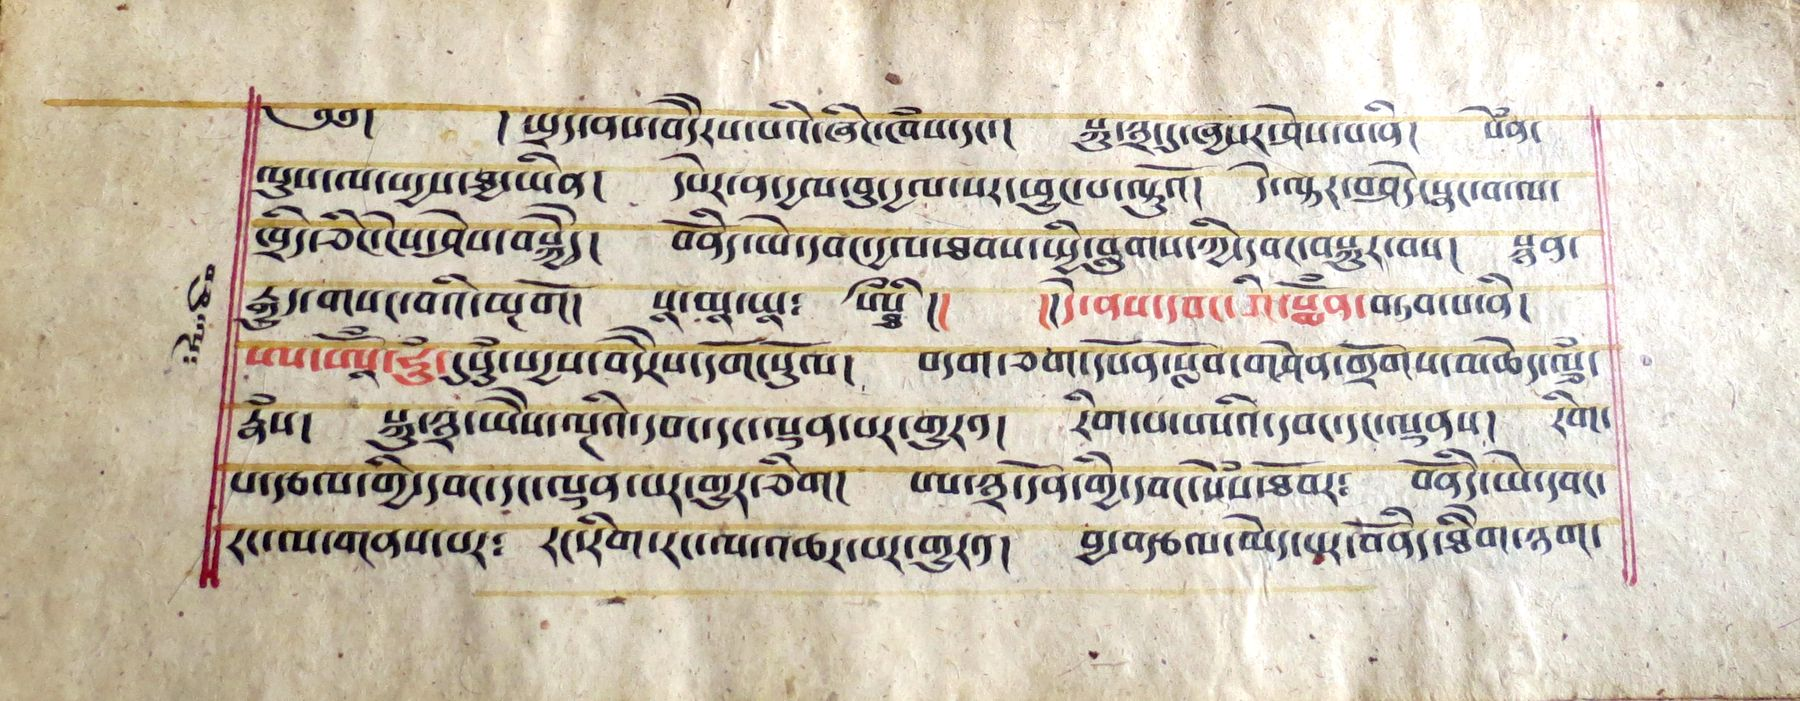སྤྲད་ནས་བདེ་བར་གཤེགས་པའི་ཞིང་ཁམས་དང་། སྐུ་གསུམ་དུ་བཞུགས་པར་ཤེས་པ་ནི། སེམས་ཅན་
ལུས་ལ་སངས་རྒྱས་ཐུགས་ཡིན། དཔེར་ན་རྒྱལ་བུ་རྒྱལ་སར་ཕྱུང་བ་ལྟ་བུའོ། ། དེ་ལྟར་བཤད་དེ་སྣང་བ་ལ་
ཁྲིད་ཅིང་ངེས་ཤེས་བསྐྱེད་དོ། ། བོན་ཉིད་ཡེ་དབང་རྒྱལ་ཐེབས་སྤྱི་བླུགས་ཀྱི་དབང་བསྐུར་བས། སྙན་
རྒྱུད་གསང་བའི་མན་ངག་གོ། ། ས་མ་ཡ། ། ཨྠིི། དེ་ནས་དབང་གི་སྨོན་ལམ་གདབ་པ་ནི། 
ཨ་ཨཱོྃ་ཧཱུྃ། དུས་གསུམ་སངས་རྒྱས་བདེ་གཤེགས་དགོངས་སུ་གསོལ། བདག་ཅག་དཔོན་སློབ་གཤེན་གྲོགས་མཆེད་ལྕམ་
རྣམས། སྐུ་གསུམ་ཡེ་ཤེས་ལྔའི་དབང་དང་ལྡན་པར་གྱུར་ཅིག ། རིག་པ་ཨའི་དབང་དང་ལྡན་ནས། རིག་
པ་རྩལ་གྱི་དབང་དང་ལྡན་པར་གྱུར་ཅིག ཨ་གསུམ་དོན་གྱི་དབང་སེམས་ཐོབ་པར་གྱུར་ཅིག བོན་ཉིད་ཡེ་དབང་
རང་ལ་གནས་པས། རང་རིག་རང་ལ་འཆར་བར་གྱུར་ཅིག བྱ་རྩལ་མེད་པར་བོན་ཉིད་ཐིག་ལེ་ཉག་